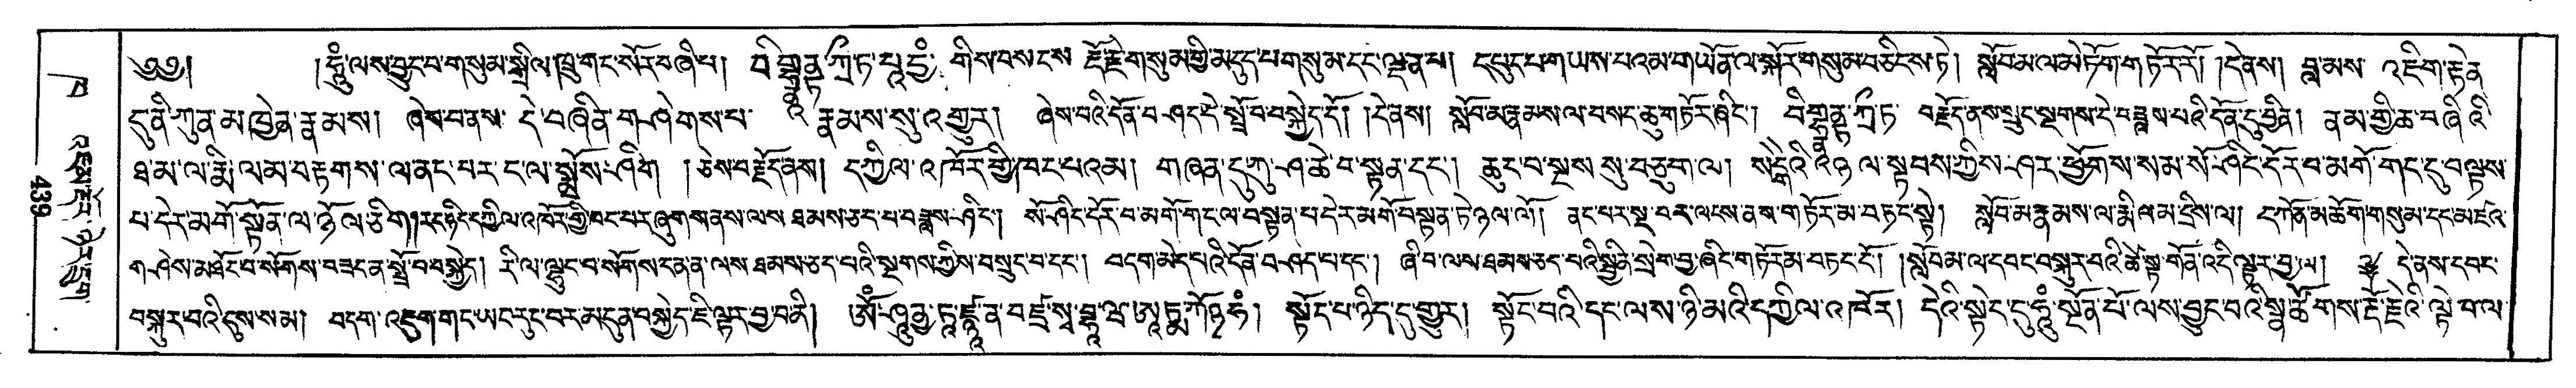༄༅། །ཧཱུཾ་ལས་བྱུང་བ་གསུམ་སྒྲིལ་ཁྲུ་གང་སོར་བཞི་པ། བིགྷྣཱནྟ་ཀྲྀཏ་པཱ་དྱཾ་གིས་བསངས། རྡོ་རྗེ་གསུམ་གྱི་མདུད་པ་གསུམ་དང་ལྡན་པ། དབུང་པ་གཡས་པའམ་གཡོན་ལ་སྐོར་གསུམ་བཅིངས་ཏེ། སློབ་མ་ལ་མེ་ཏོག་གཏོར་རོ། །དེ་ནས། བླ་མས་འཇིགས་རྟེན་
དུ་ནི་ཀུན་མཁྱེན་རྣམས། ཞེས་པ་ནས་དེ་བཞིན་གཤེགས་པ་རྣམས་སུ་འགྱུར། ཞེས་པའི་དོན་བཤད་དེ་སྤྲོ་བ་བསྐྱེད་དོ། །དེ་ནས། སློབ་མ་རྣམས་ལ་བསང་ཆུ་གཏོར་ཞིང་། བིགྷྣཱནྟ་ཀྲྀཏ་བརྗོད་ནས་སྲུང་སྔགས་དེ་བཟླས་པའི་དོན་དུ་བྱིན། ནམ་གྱི་ཆ་བཞིའི་
ཐ་མ་ལ་རྨི་ལམ་བརྟགས་ལ་ནང་པར་ང་ལ་སྨྲོས་ཤིག །ཅེས་བརྗོད་ནས། དཀྱིལ་འཁོར་གྱི་ཁང་པའམ། གཞན་དུ་ཀུ་ཤ་ཆེ་བ་སྟན་དང་། ཆུང་བ་སྔས་སུ་བཅུག་ལ། སེངྒེའི་ཉལ་སྟབས་ཀྱིས་ཤར་ཕྱོགས་སམ་སོ་ཤིང་དོར་བ་མགོ་གང་དུ་བལྟས་
པ་དེར་མགོ་སྟོན་ལ་ཉོལ་ཅིག །རང་ཉིད་དཀྱིལ་འཁོར་གྱི་ཁང་པར་ཞུགས་ནས་ལས་ཐམས་ཅད་པ་བཟླས་ཤིང་། སོ་ཤིང་དོར་བ་མགོ་གང་ལ་བསྟན་པ་དེར་མགོ་བསྟན་ཏེ་ཉལ་ལ། ནང་པར་སྔ་བར་ལངས་ནས་གཏོར་མ་བཏང་སྟེ། སློབ་མ་རྣམས་ལ་རྨི་ལམ་དྲིས་ལ། དཀོན་མཆོག་གསུམ་དང་མཛའ་
བཤེས་མཐོང་བ་སོགས་བཟང་ན་སྤྲོ་བ་བསྐྱེད། རི་ལ་ལྷུང་བ་སོགས་ངན་ན་ལས་ཐམས་ཅད་པའི་སྔགས་ཀྱིས་བསྲུང་བ་དང་། བདག་མེད་པའི་དོན་བཤད་པ་དང་། ཞི་བ་ལས་ཐམས་ཅད་པའི་སྦྱིན་སྲེག་བྱ་ཞིང་གཏོར་མ་བཏང་ངོ། །སློབ་མ་ལ་དབང་བསྐུར་བའི་ཚེ་སྟ་གོན་འདི་ལྟར་བྱ་ལ། ༈ དེ་ནས་དབང་
བསྐུར་བའི་དུས་སམ། བདག་འཇུག་གང་ཡང་རུང་བར་མདུན་བསྐྱེད་ཇི་ལྟར་བྱ་བ་ནི། ཨོཾ་ཤཱུ་ནྱ་ཏཱ་ཛྙཱ་ན་བཛྲ་སྭ་བྷཱ་ཝ་ཨཱཏྨ་ཀོཉྷཾ། སྟོང་པ་ཉིད་དུ་གྱུར། སྟོང་པའི་ངང་ལས་ཉི་མའི་དཀྱིལ་འཁོར། དེའི་སྟེང་དུ་ཧཱུཾ་སྔོན་པོ་ལས་བྱུང་བའི་སྣ་ཚོགས་རྡོ་རྗེའི་ལྟེ་བ་ལ་